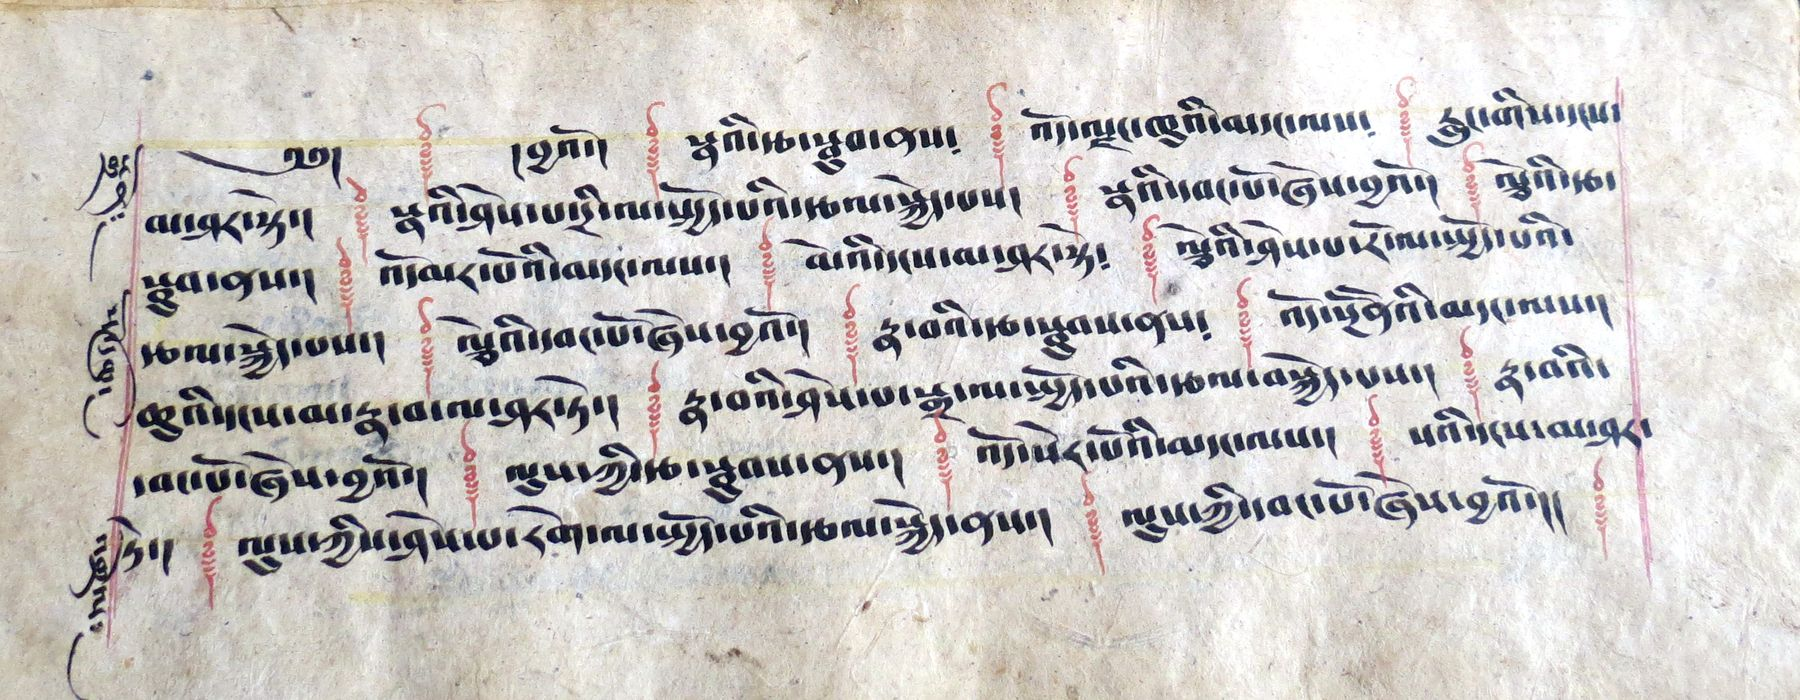བྱའོ། །སྣའི་རྩ་སྦུབས་ནས། འོད་ལྗང་ཁུའི་གདངས་ལས་རླུང་དྭངས་
མ་ཤར་ཏེ། སྣའི་ཤེས་པ་དྲི་ལ་གཅོད་པའི་རྩལ་བསྐྱེད་པས། སྣའི་དབང་པོ་ཞེས་བྱའོ། །ལྕེའི་རྩ་
སྦུབས་ནས། འོད་དམར་པོའི་གདངས་ལས་མེའི་དྭངས་མ་ཤར་ཏེ། ལྕེའི་ཤེས་པ་རོ་ལ་གཅོད་པའི་
རྩལ་བསྐྱེད་པས། ལྕེའི་དབང་པོ་ཞེས་བྱའོ། །རྣ་བའི་རྩ་སྦུབས་ནས། འོད་སྔོན་པོའི་གདངས་ལས། 
ཆུའི་དྭངས་མ་ཤར་ཏེ། རྣ་བའི་ཤེས་པ་སྒྲ་ལ་གཅོད་པའི་རྩལ་བསྐྱེད་པས། རྣ་བའི་
དབང་པོ་ཞེས་བྱའོ། །ལུས་ཀྱི་རྩ་སྦུབས་ནས། འོད་སེར་པོའི་གདངས་ལས། སའི་དྭངས་མ་ཤར་
ཏེ། ལུས་ཀྱི་ཤེས་པ་རེག་ལ་གཅོད་པའི་རྩལ་བསྐྱེད་པས། ལུས་ཀྱི་དབང་པོ་ཞེས་བྱའོ། །